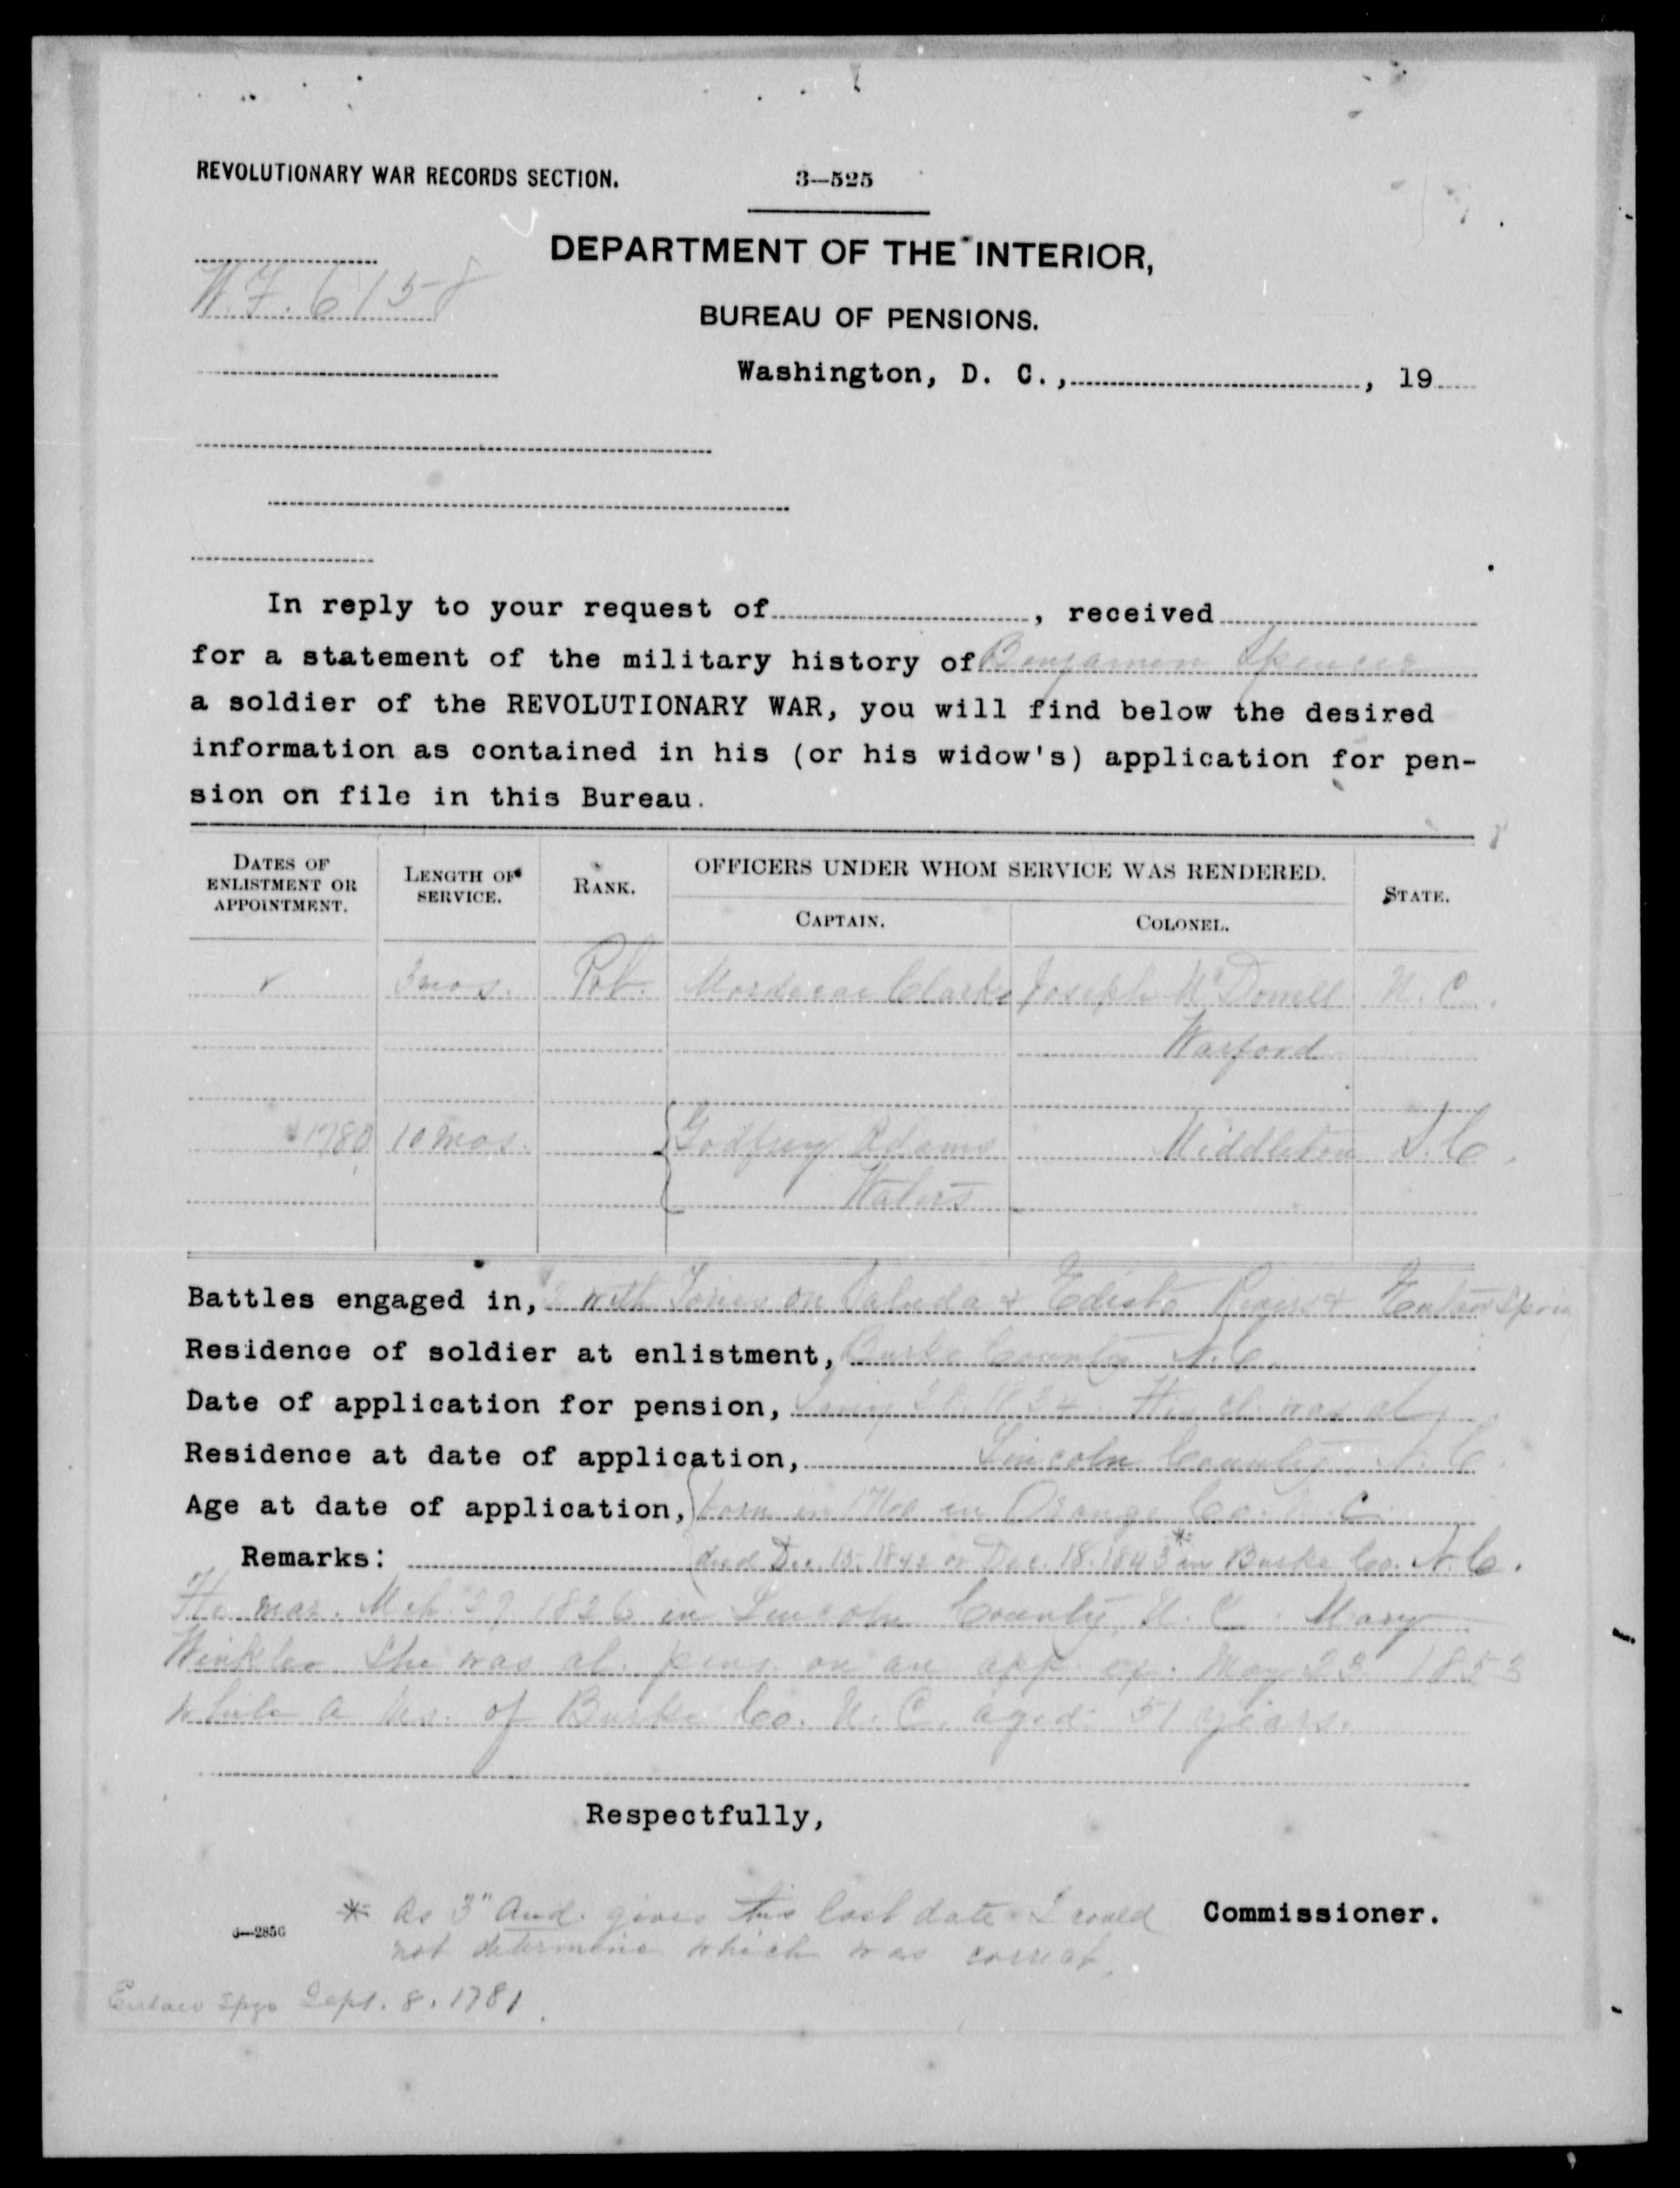REVOLUTIONARY WAR RECORDS SECTION.
3 - 525
DEPARTMENT OF THE INTERIOR.
W. F. 6158 BUREAU OF PENSIONS.
Washington, D. C. ----, 19
In reply to your request of
received
a statement of the military history of Benjamin Spencer a
soldier of the REVOLUTIONARY WAR, you will find below the desired
information as contained in his (or his widow's) application for pension
on file in this Bureau.
DATES OF
ENLISTMENT OR
APPOINTMENT.
1780
LENGTH OF
SERVICE.
3 mos.
20 mos. 
RANK.
Pri.
OFFICERS UNDER WHOM SERVICE WAS RENDERED.
CAPTAIN.
Mordecai Clark
Godfrey Adams
Waters
COLONEL.
Joseph MC Dowell
Warford
Middleton
STATE.
N.C.
S.C.
= =
==
Battles engaged in, with Tories on Saluda & Edisto Rivers & Eutaw Spring
Residence of soldier at enlistment, Burke County N. C. 
Date of application for pension, [illegible] 1834 his claim was al.
Residence at date of application, Lincoln County N. C. 
Age at date of application, born in 1760 Orange Co. N. C.
Remarks: died Dec. 15,1843 or Dec. 18, 1843*
in Burke Co. N. C. 
He mar. Mch. 29, 1826 in Lincoln County N. C. Mary Winkler She was al. pens on an app. of. May 23, 1853
While a res. of Burke Co. N.C. aged 57 years.

Respectfully,
Commissioner
3-2856
*As 3" and give his last date I could 
not determine which was correct
Eutaw Spgs. Sept. 8. 1781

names: Mordecai Clarke; [BLANK] Waters; Mary Winkler; Joseph Mc Dowell; Godfrey Adams; [BLANK] Warford; Benjamin Spencer; [BLANK] Middleton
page: 30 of 63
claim: widow's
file: W. 6158, for Benjamin Spencer, North Carolina